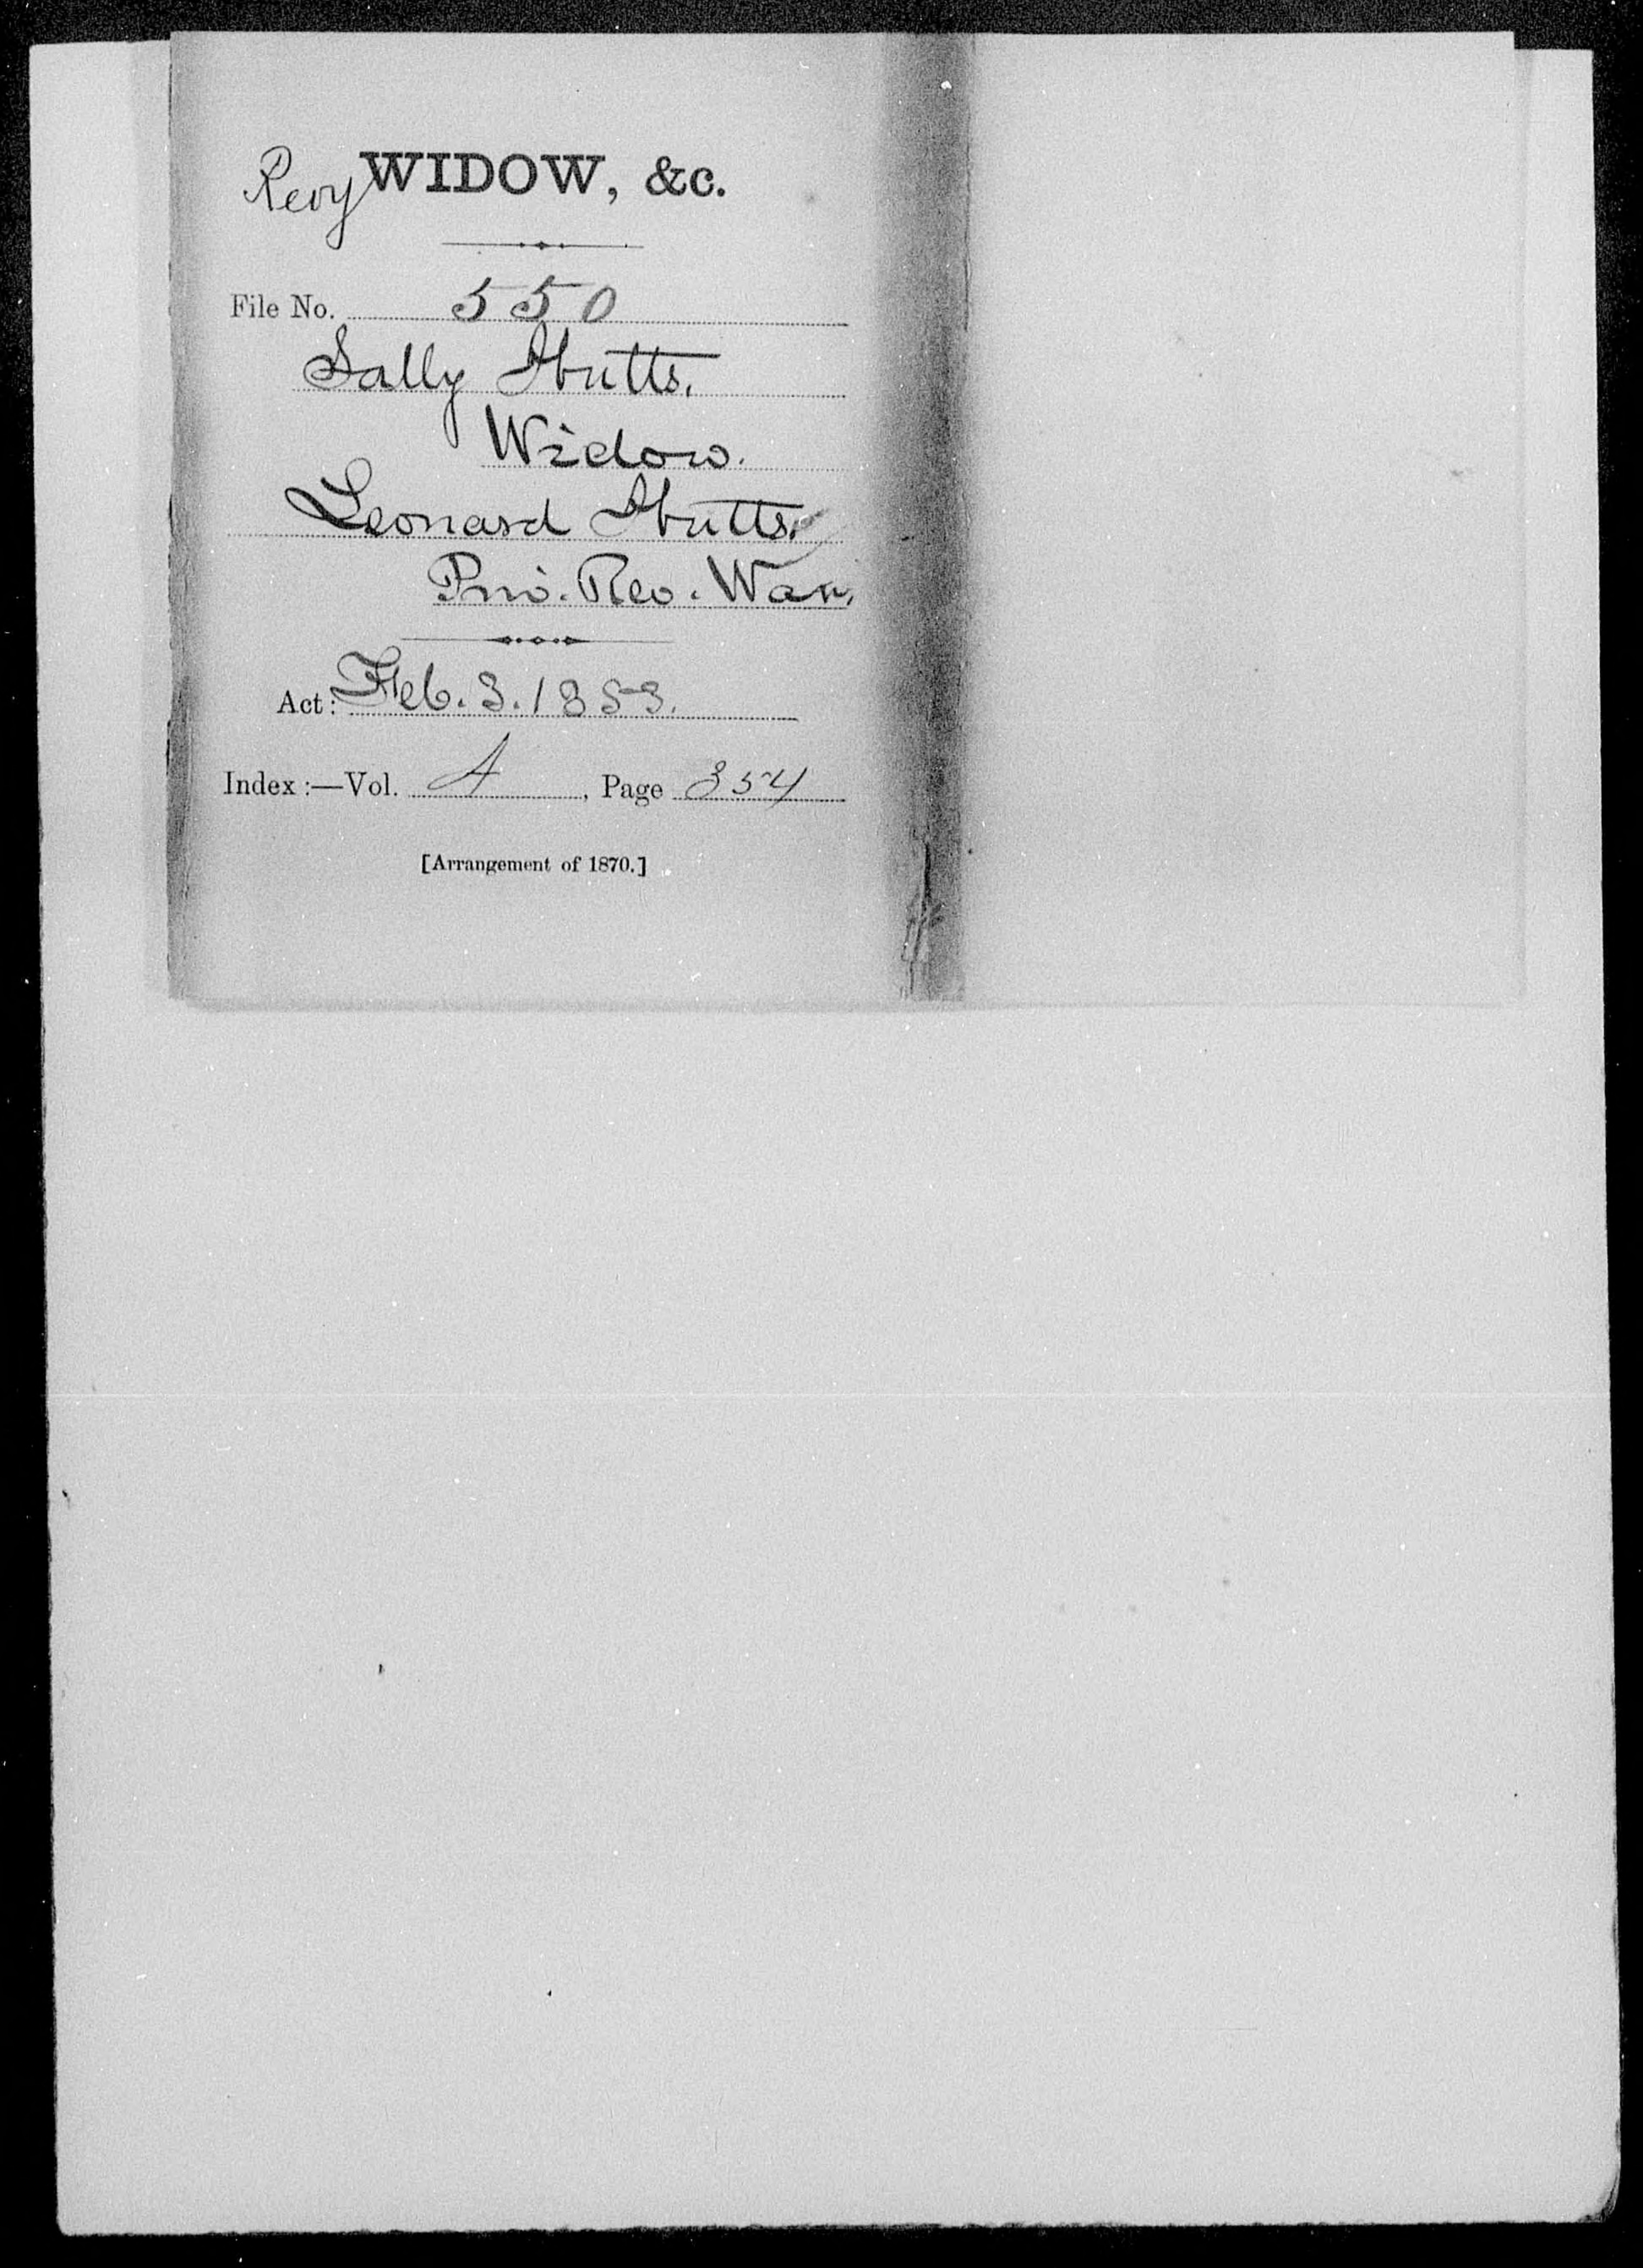[typed form, with handwritten responses]

Revy WIDOW, &c.

File No. 550
Sally Hutts.
Widow
Leonard Hutts
Priv. Rev. War.

Act: Feb. 3, 1853

Index: - Vol. A, Page 354

[Arrangement of 1870.]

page: 18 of 33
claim: widow's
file: W. 550, for Leonard Hutts, Virginia